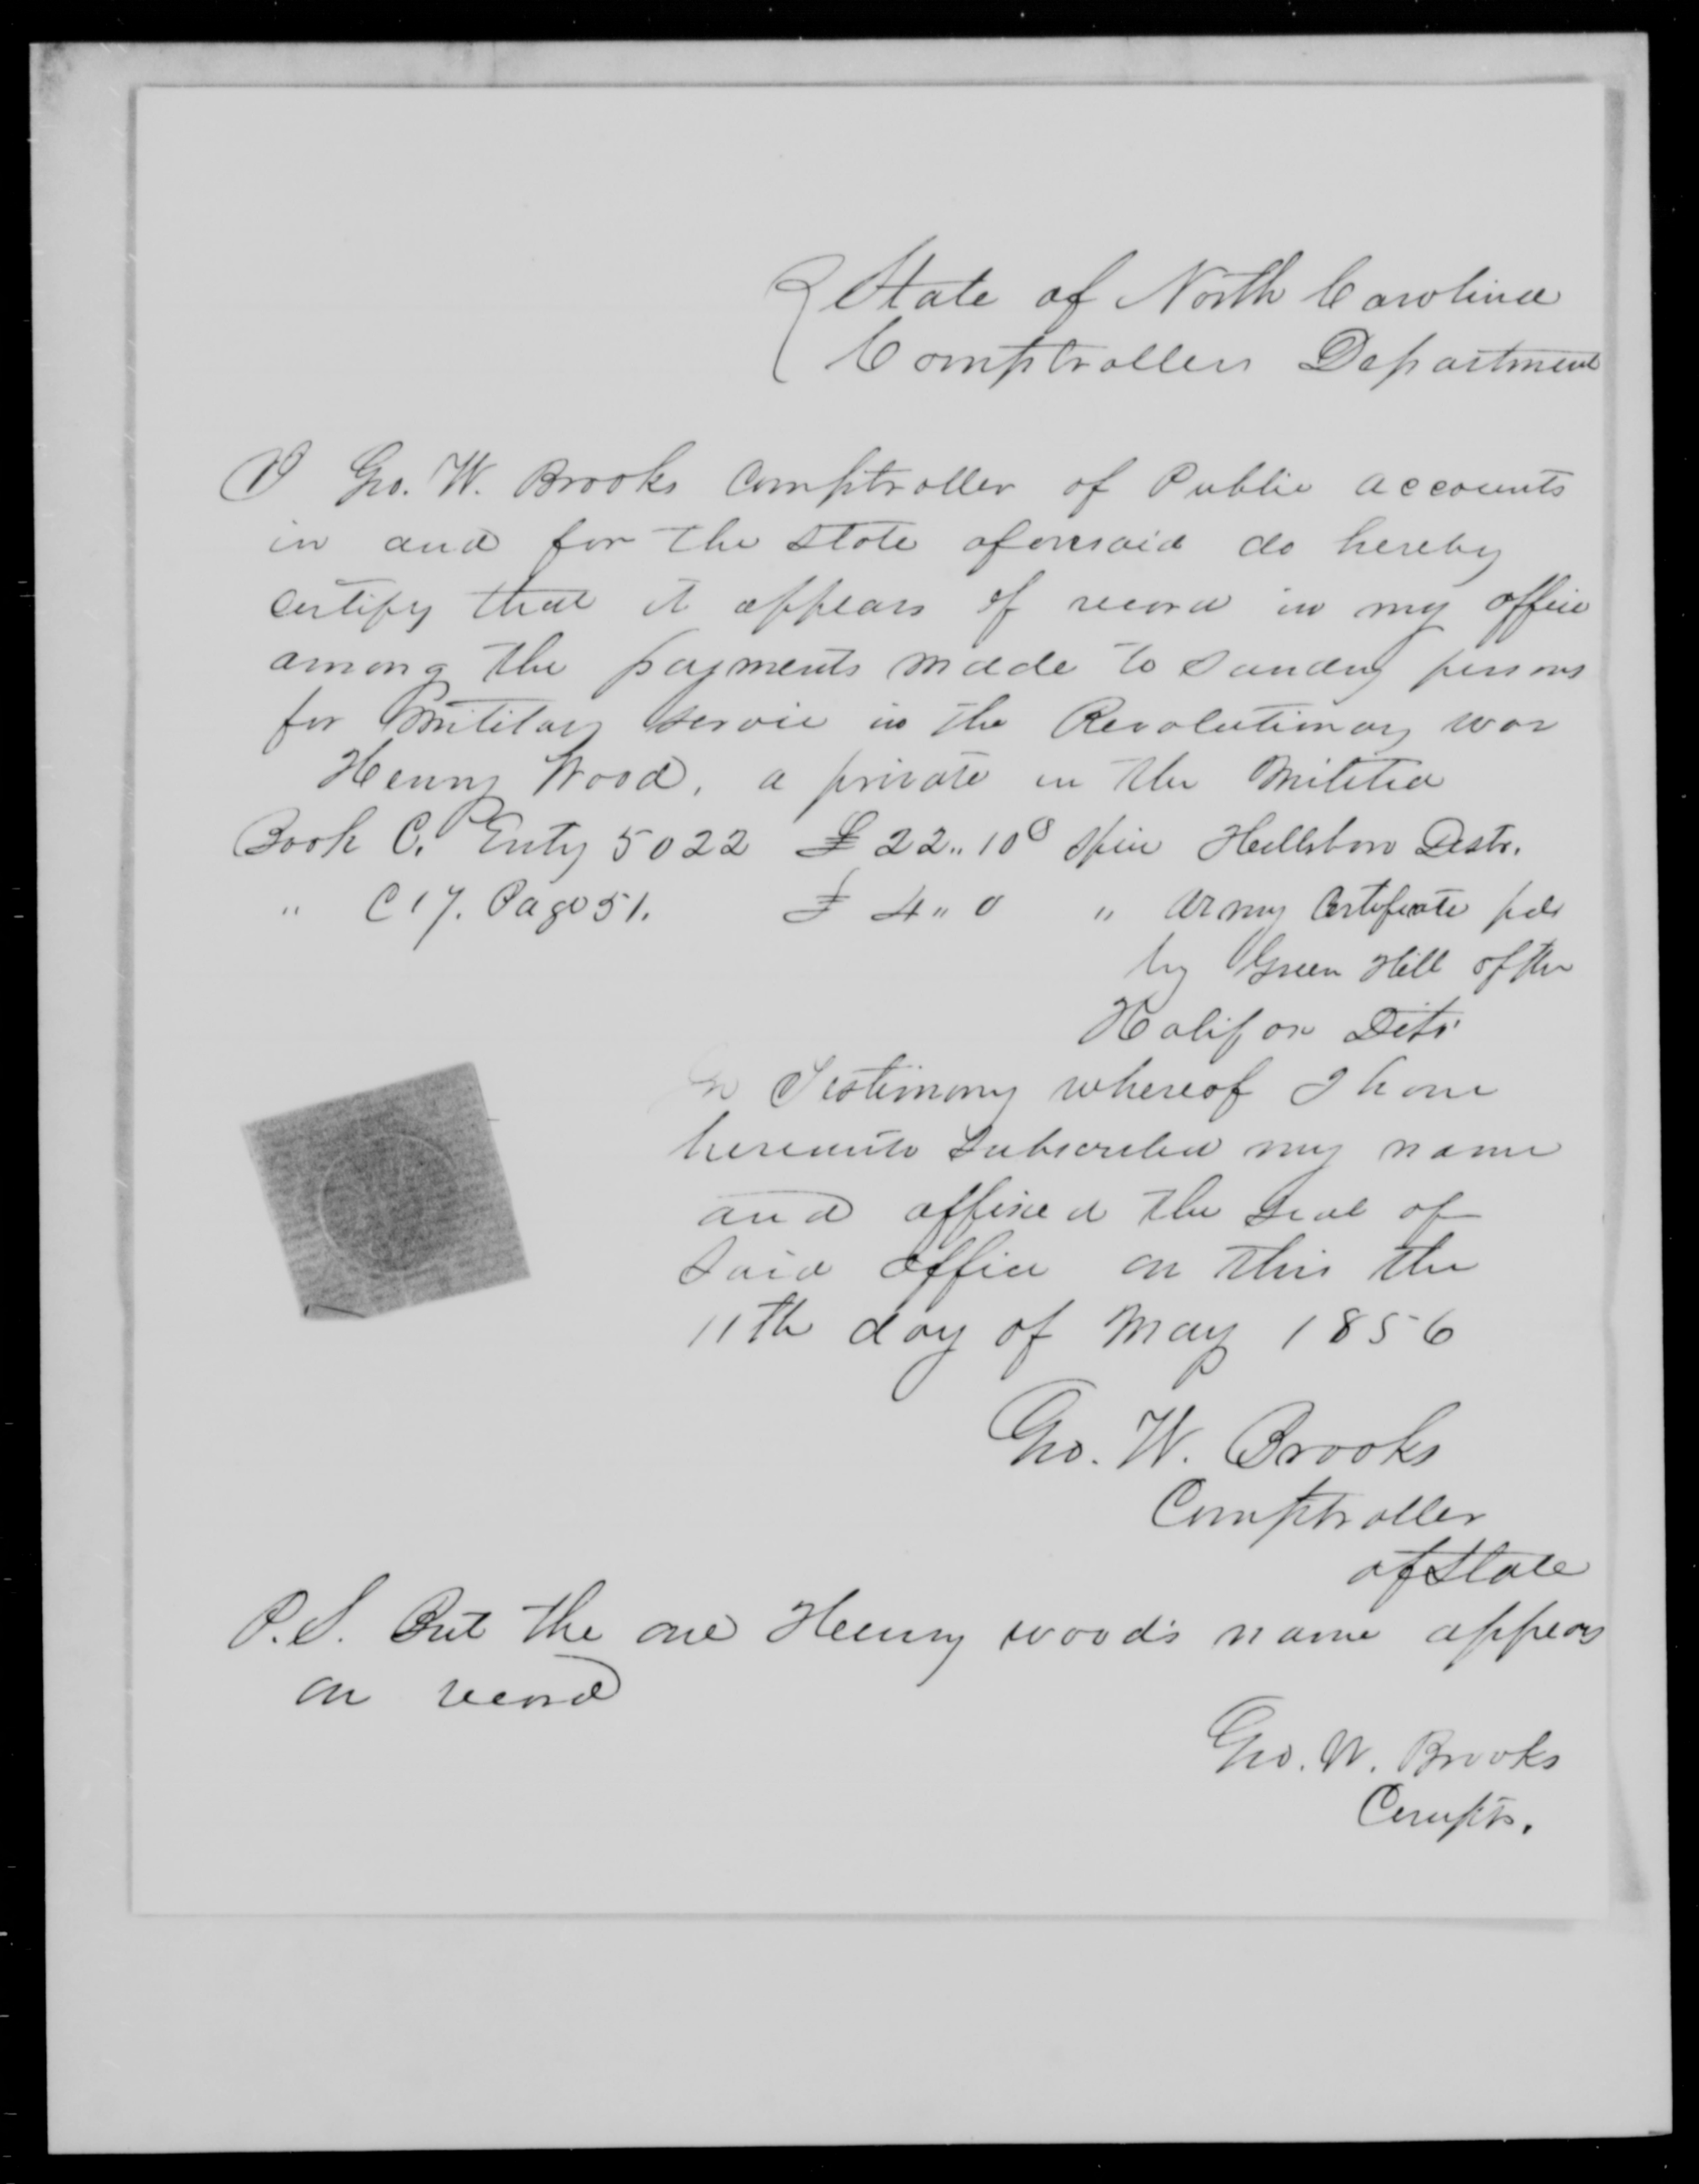State of North Carolina
Comptroller Department
I Geo. W. Brooks Comptroller of public accounts in and for the state aforesaid do hereby certify that it appears of record in my office among the payments made to the sundry persons for military service in the revolutionary War Henry Wood, a private in the militia Book C. Entry 5022 $22..10c office Hillsboro Dist  Book C17 Page 51  $4.. 0 Army certificate pd by Green Hill after [xx] [xx]
In testimony whereof I have hereunto subscribed my name and affixed the seal of said office on this the 11th day of May 1856
Geo. W. Brooks Comptroller of State
P.S. But the one Henry Wood's name appears on record  Geo. W. Brooks Compt.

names: Green Hill, Geo W Brooks, Henry Wood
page: 22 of 40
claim: rejected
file: R. 11785, Henry Wood, N. C.